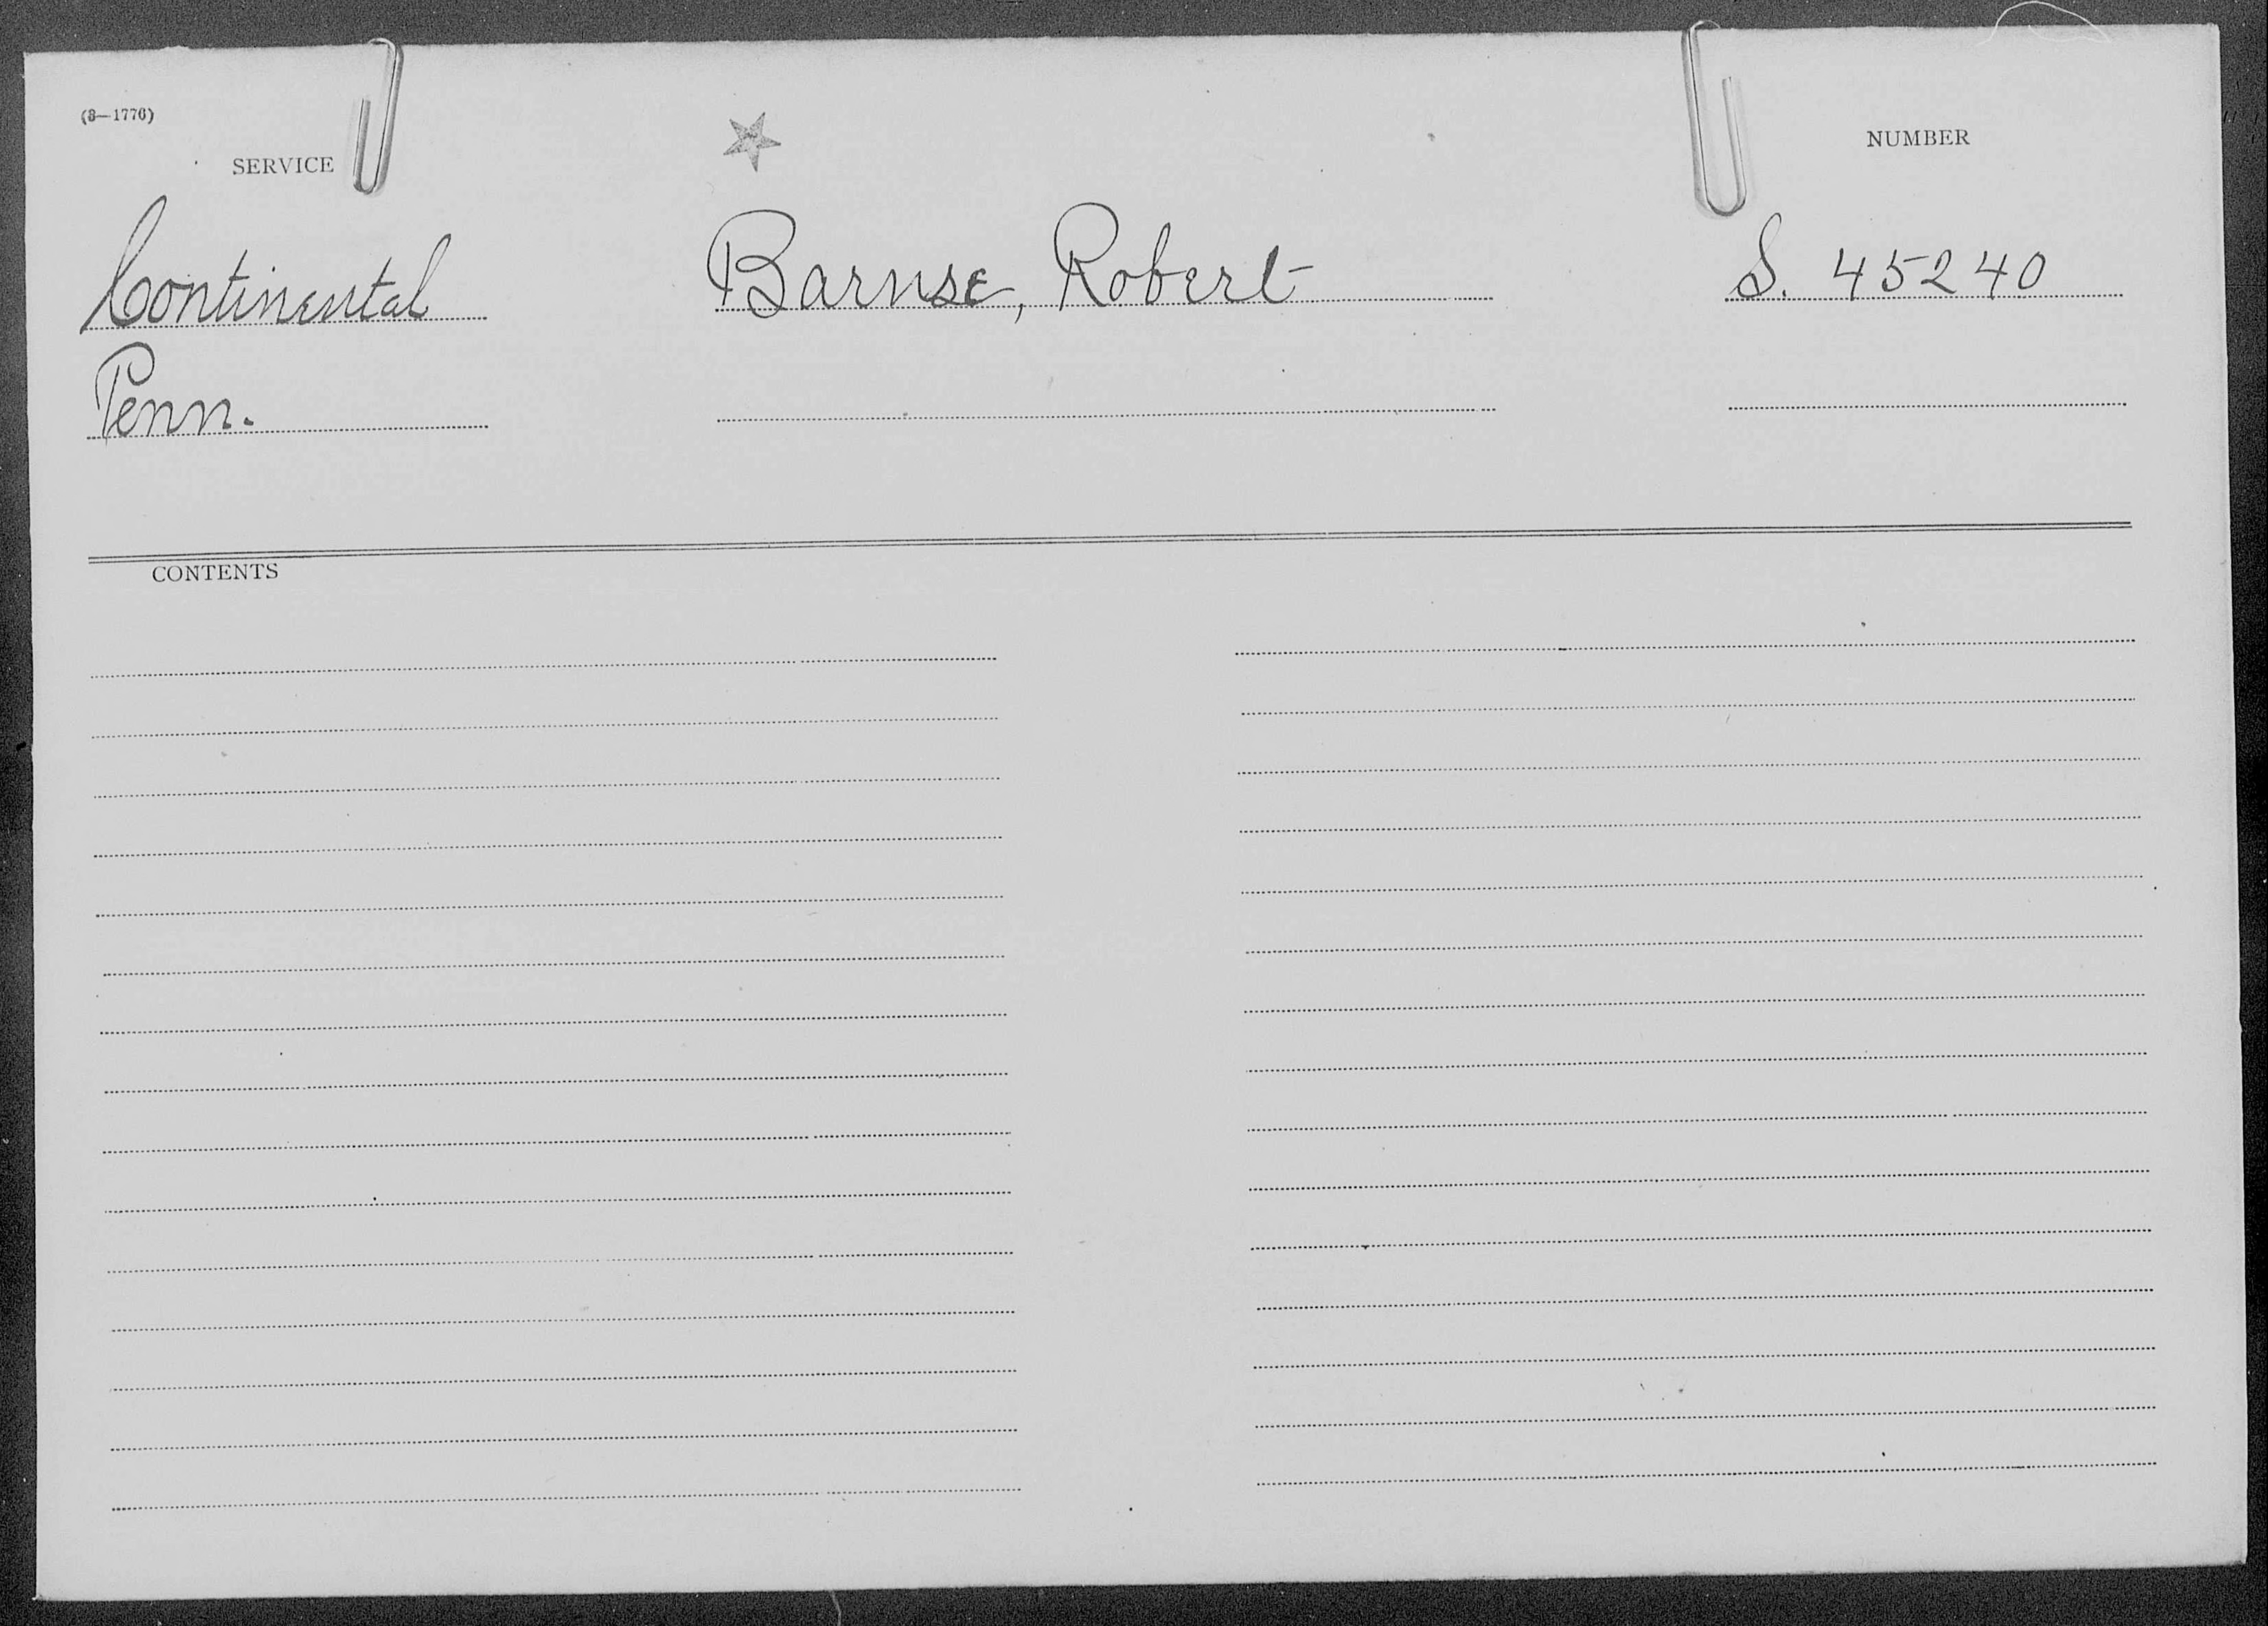(3 - 1776 )
SERVICE
Continental
Penn.
CONTENTS
Barnse, Robert
NUMBER
S. 45240
CONTENTS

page: 1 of 9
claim: survivor's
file: S. 45240, Robert Barnse, Continental Penn.